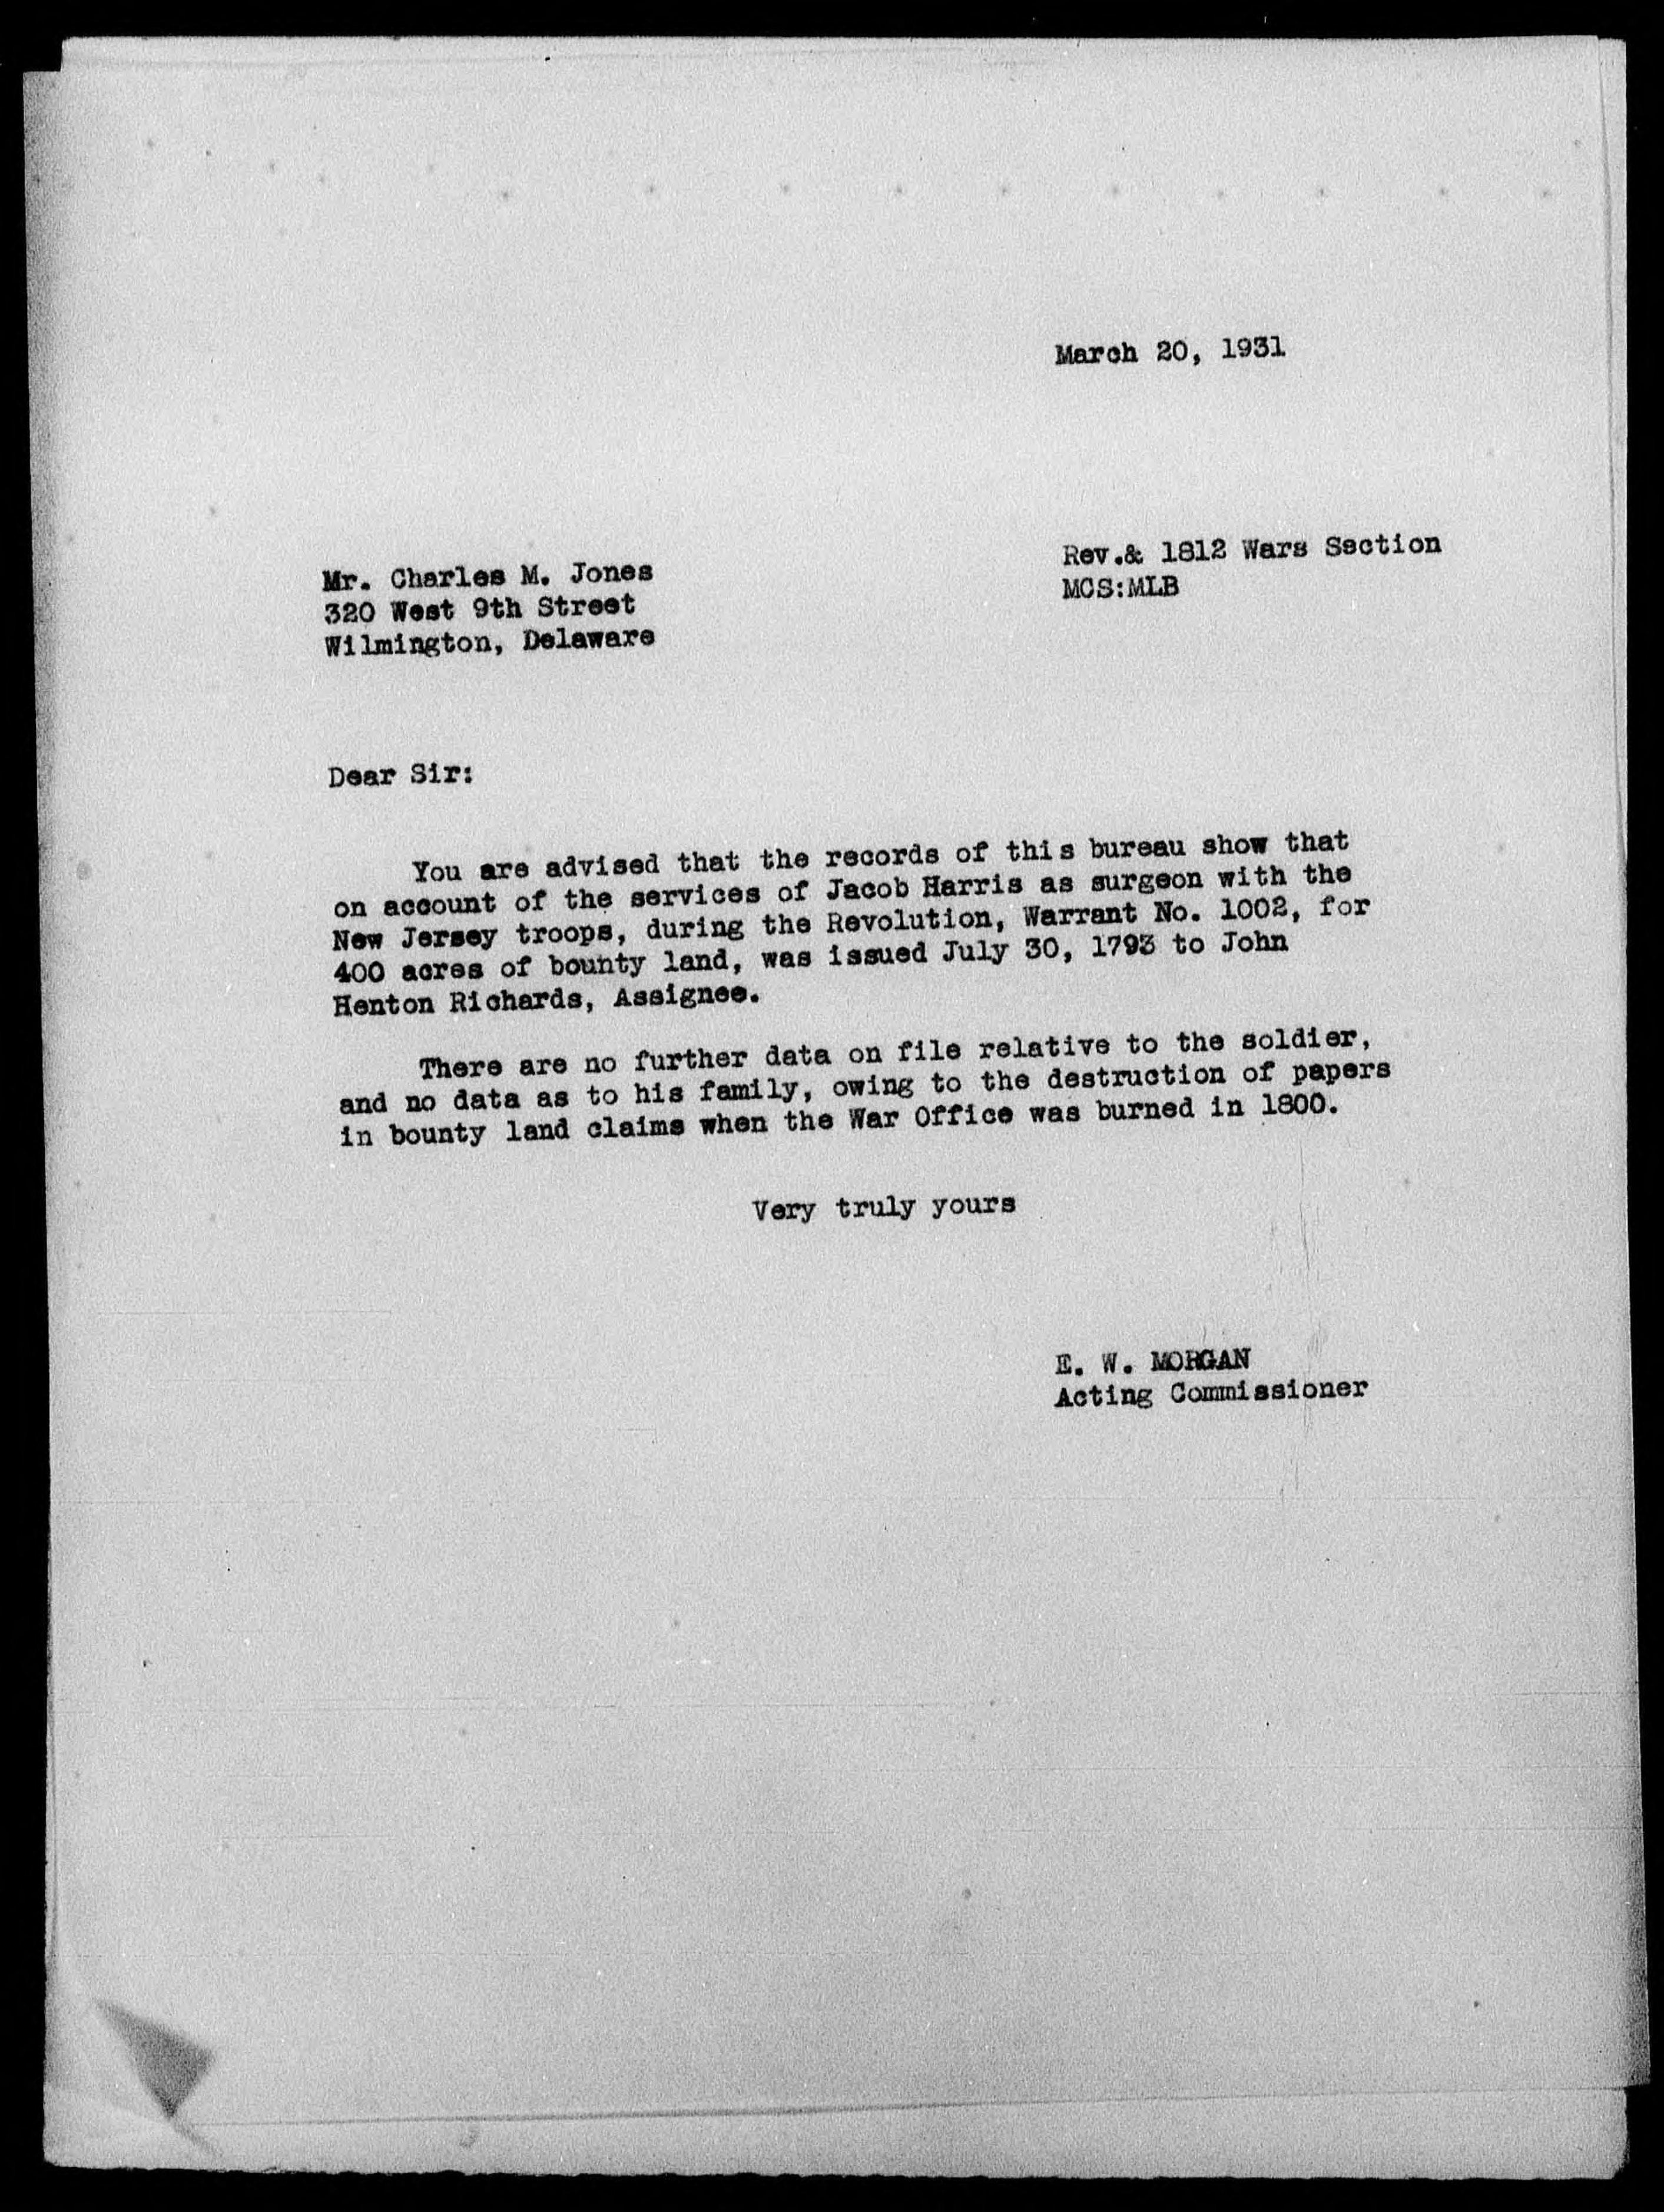March 20, 1931

Rev. & 1812 Wars Section
MCS: MLB

Mr. Charles M. Jones
320 West 9th Street
Wilmington, Delaware

Dear Sir:

You are advised that the records of this bureau show that on account of the services of Jacob Harris as surgeon with the New Jersey troops, during the Revolution, Warrant No. 1002, for
400 acres of bounty land, was issued July 30, 1793 to John Henton Richards, Assignee.

There are no further data on file relative to the soldier, and no data as to his family, owing to the destruction of papers in bounty land claims when the War Office was burned in 1800.

Very truly yours

E. W. MORGAN
Acting Commissioner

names: John Henton Richards, Charles M Jones, Jacob Harris, E W Morgan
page: 3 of 3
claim: bounty land warrant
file: B. L. Wt. 1002-400-Surgeon, Jacob Harris, New Jersey